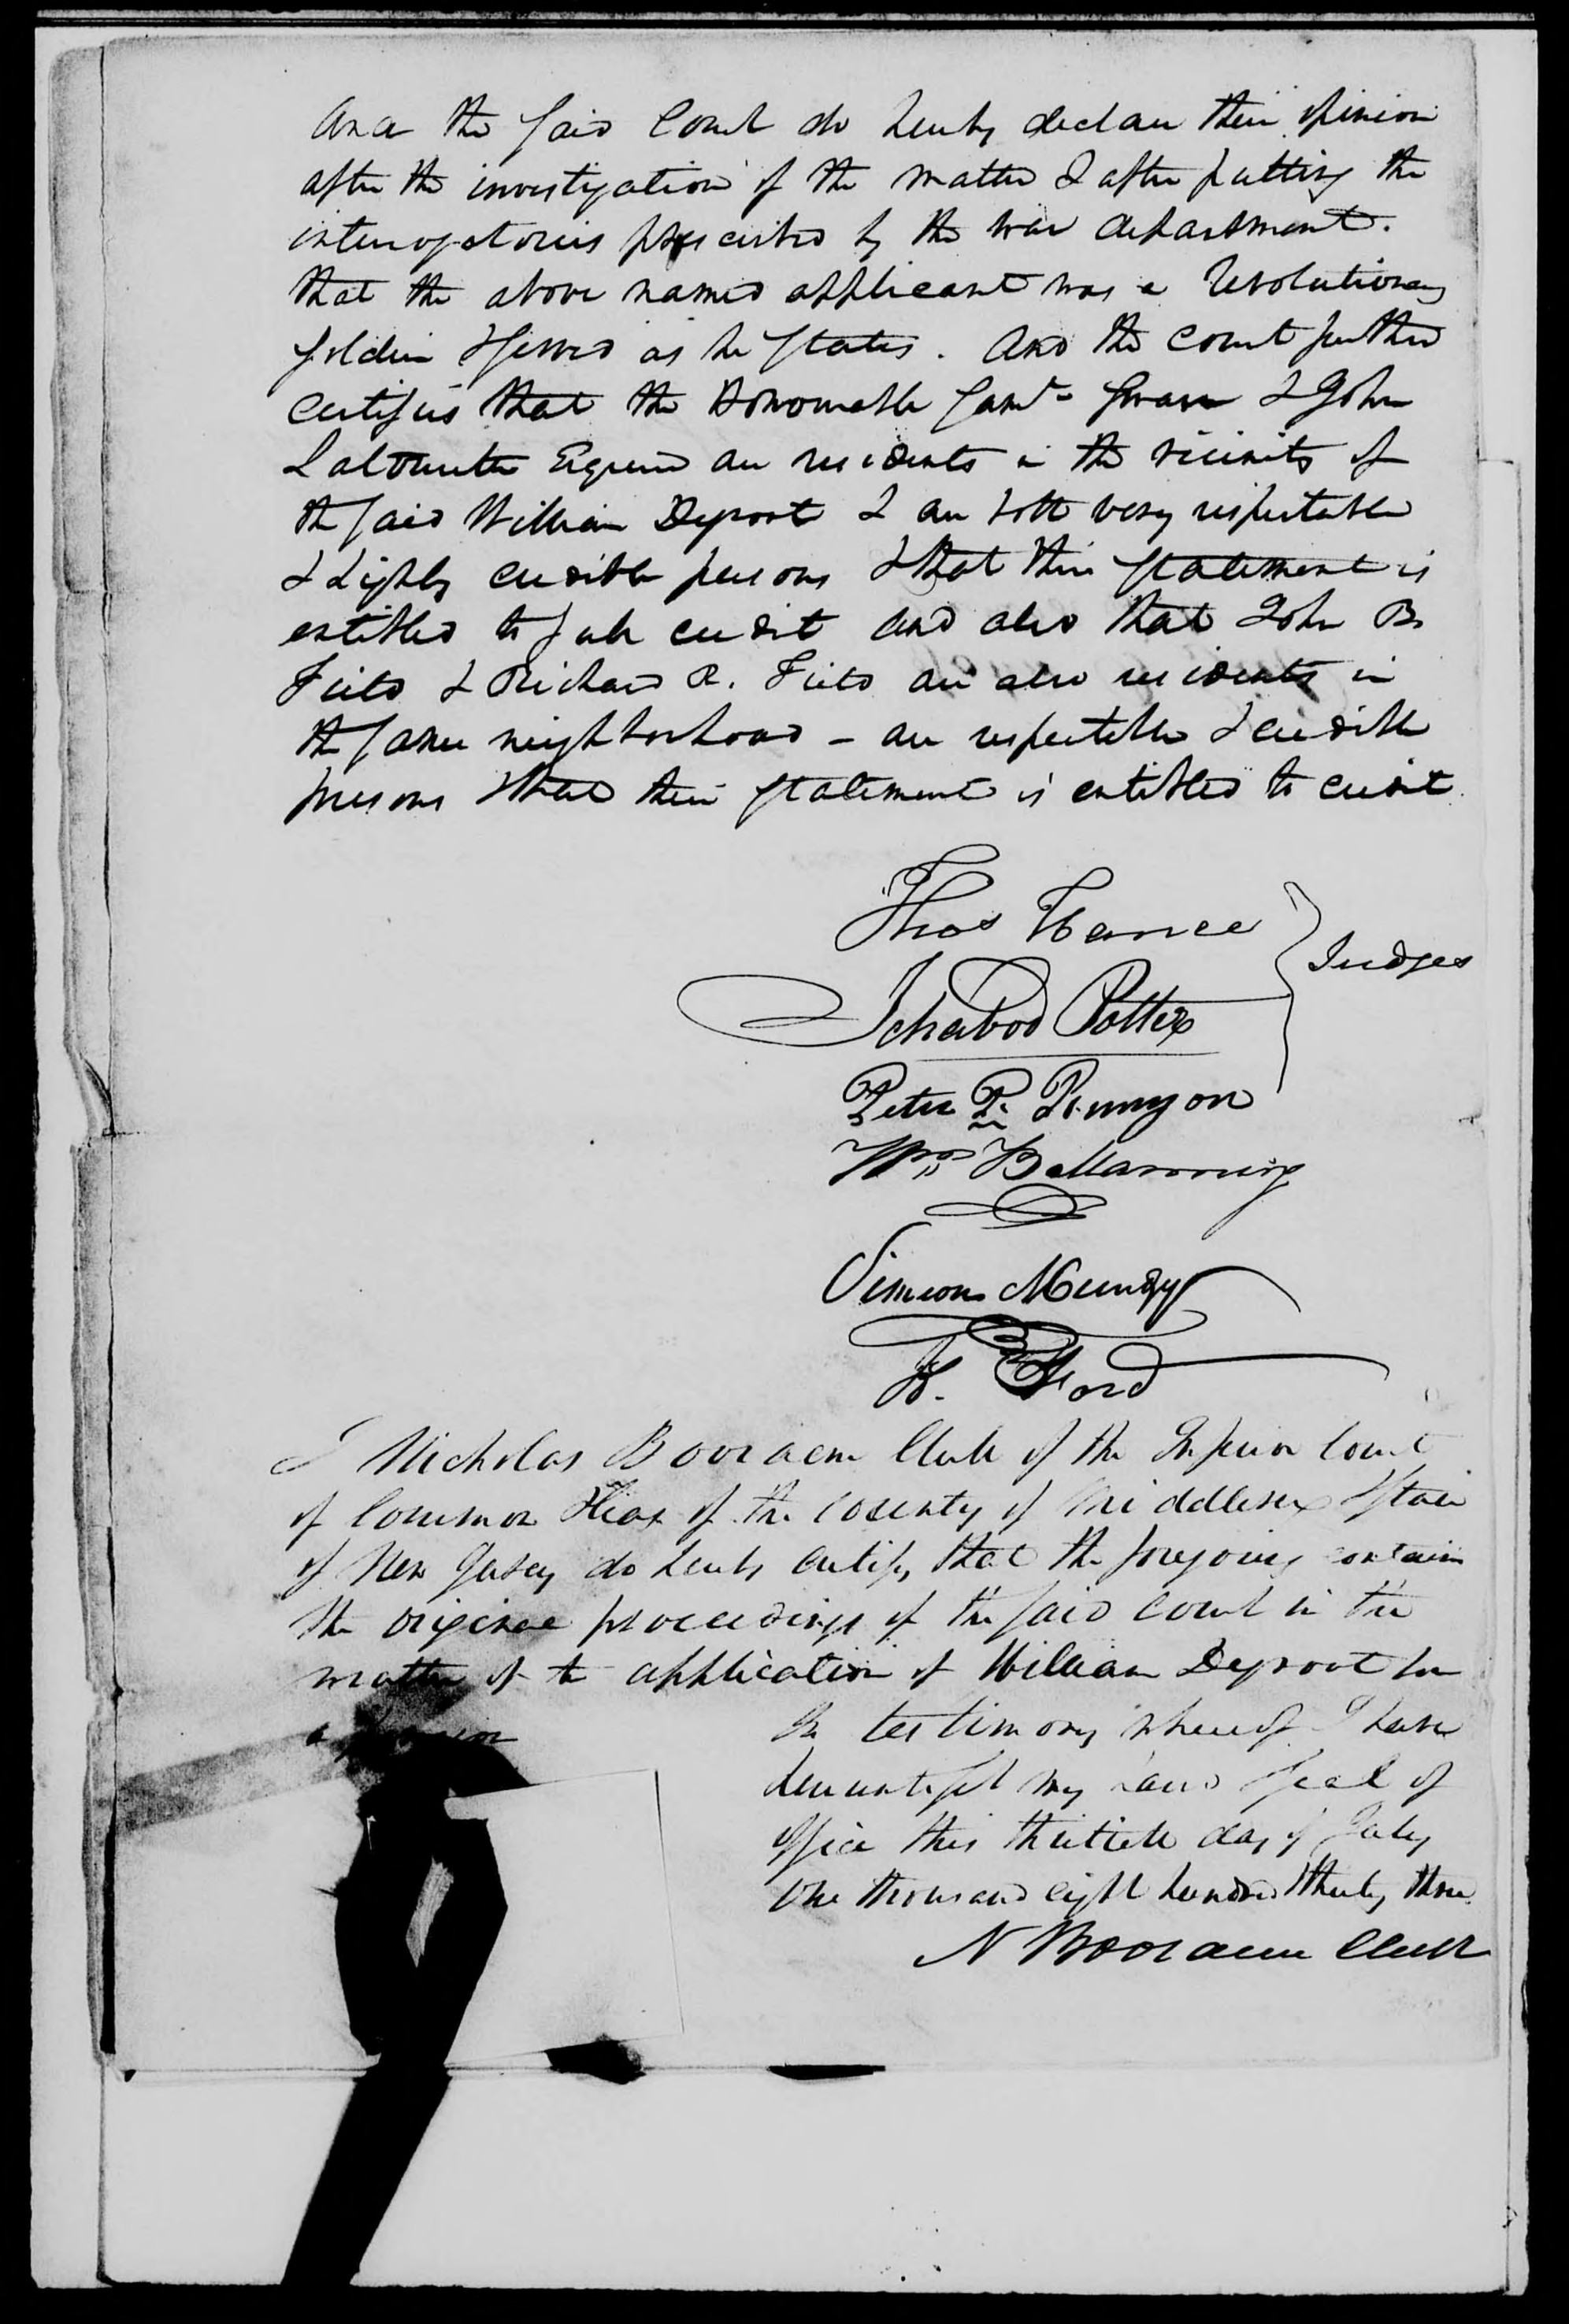And the said Court do hereby declare their
opinion after the investigation of the matter & after putting the interrogatories presented by the war department.  That the above named applicant was a revolutionary soldie &r served as he states. And the Court further certifies that the Honorable Saml. Swan & John Latourette Esquire are residents in the vicinity of the said William Degroot & are both very respectable
& highly credible persons & that their statement is entitled to full credit and also that John B
Field & Richard R. Field are also residents in
the same neighborhood, are respectable & credible persons & that their statement is entitled to credit.
Thos Hance }
Ichabod Potter }
Peter P. Runyon  }
Wm B Manning }
Simeon Mundy }
Jos. Ford }       Judges

I Nicholas Booram Clerk of the Inferior Court
of Common Pleas of the County of Middlesex State of New Jersey do hereby certify that the foregoing contains the original proceedings of the said Court in the matter of the application of William Degroot for a pension.

In testimony whereof I have
denoted my hand & seal of
office this thirtieth day of July
One thousand eight hundred thirty three
N Booraem Clerk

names: Jos Ford, William Degroot, Ichabod Potter, N Booraem, Richard R Field, Simeon Mundy, Saml Swan, William Degroot, John B Field, John Latourette, Thos Hance, Peter P Runyon, Nicholas Booraem, Wm B Manning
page: 68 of 77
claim: widow's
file: W. 417, William De Groot, New Jersey